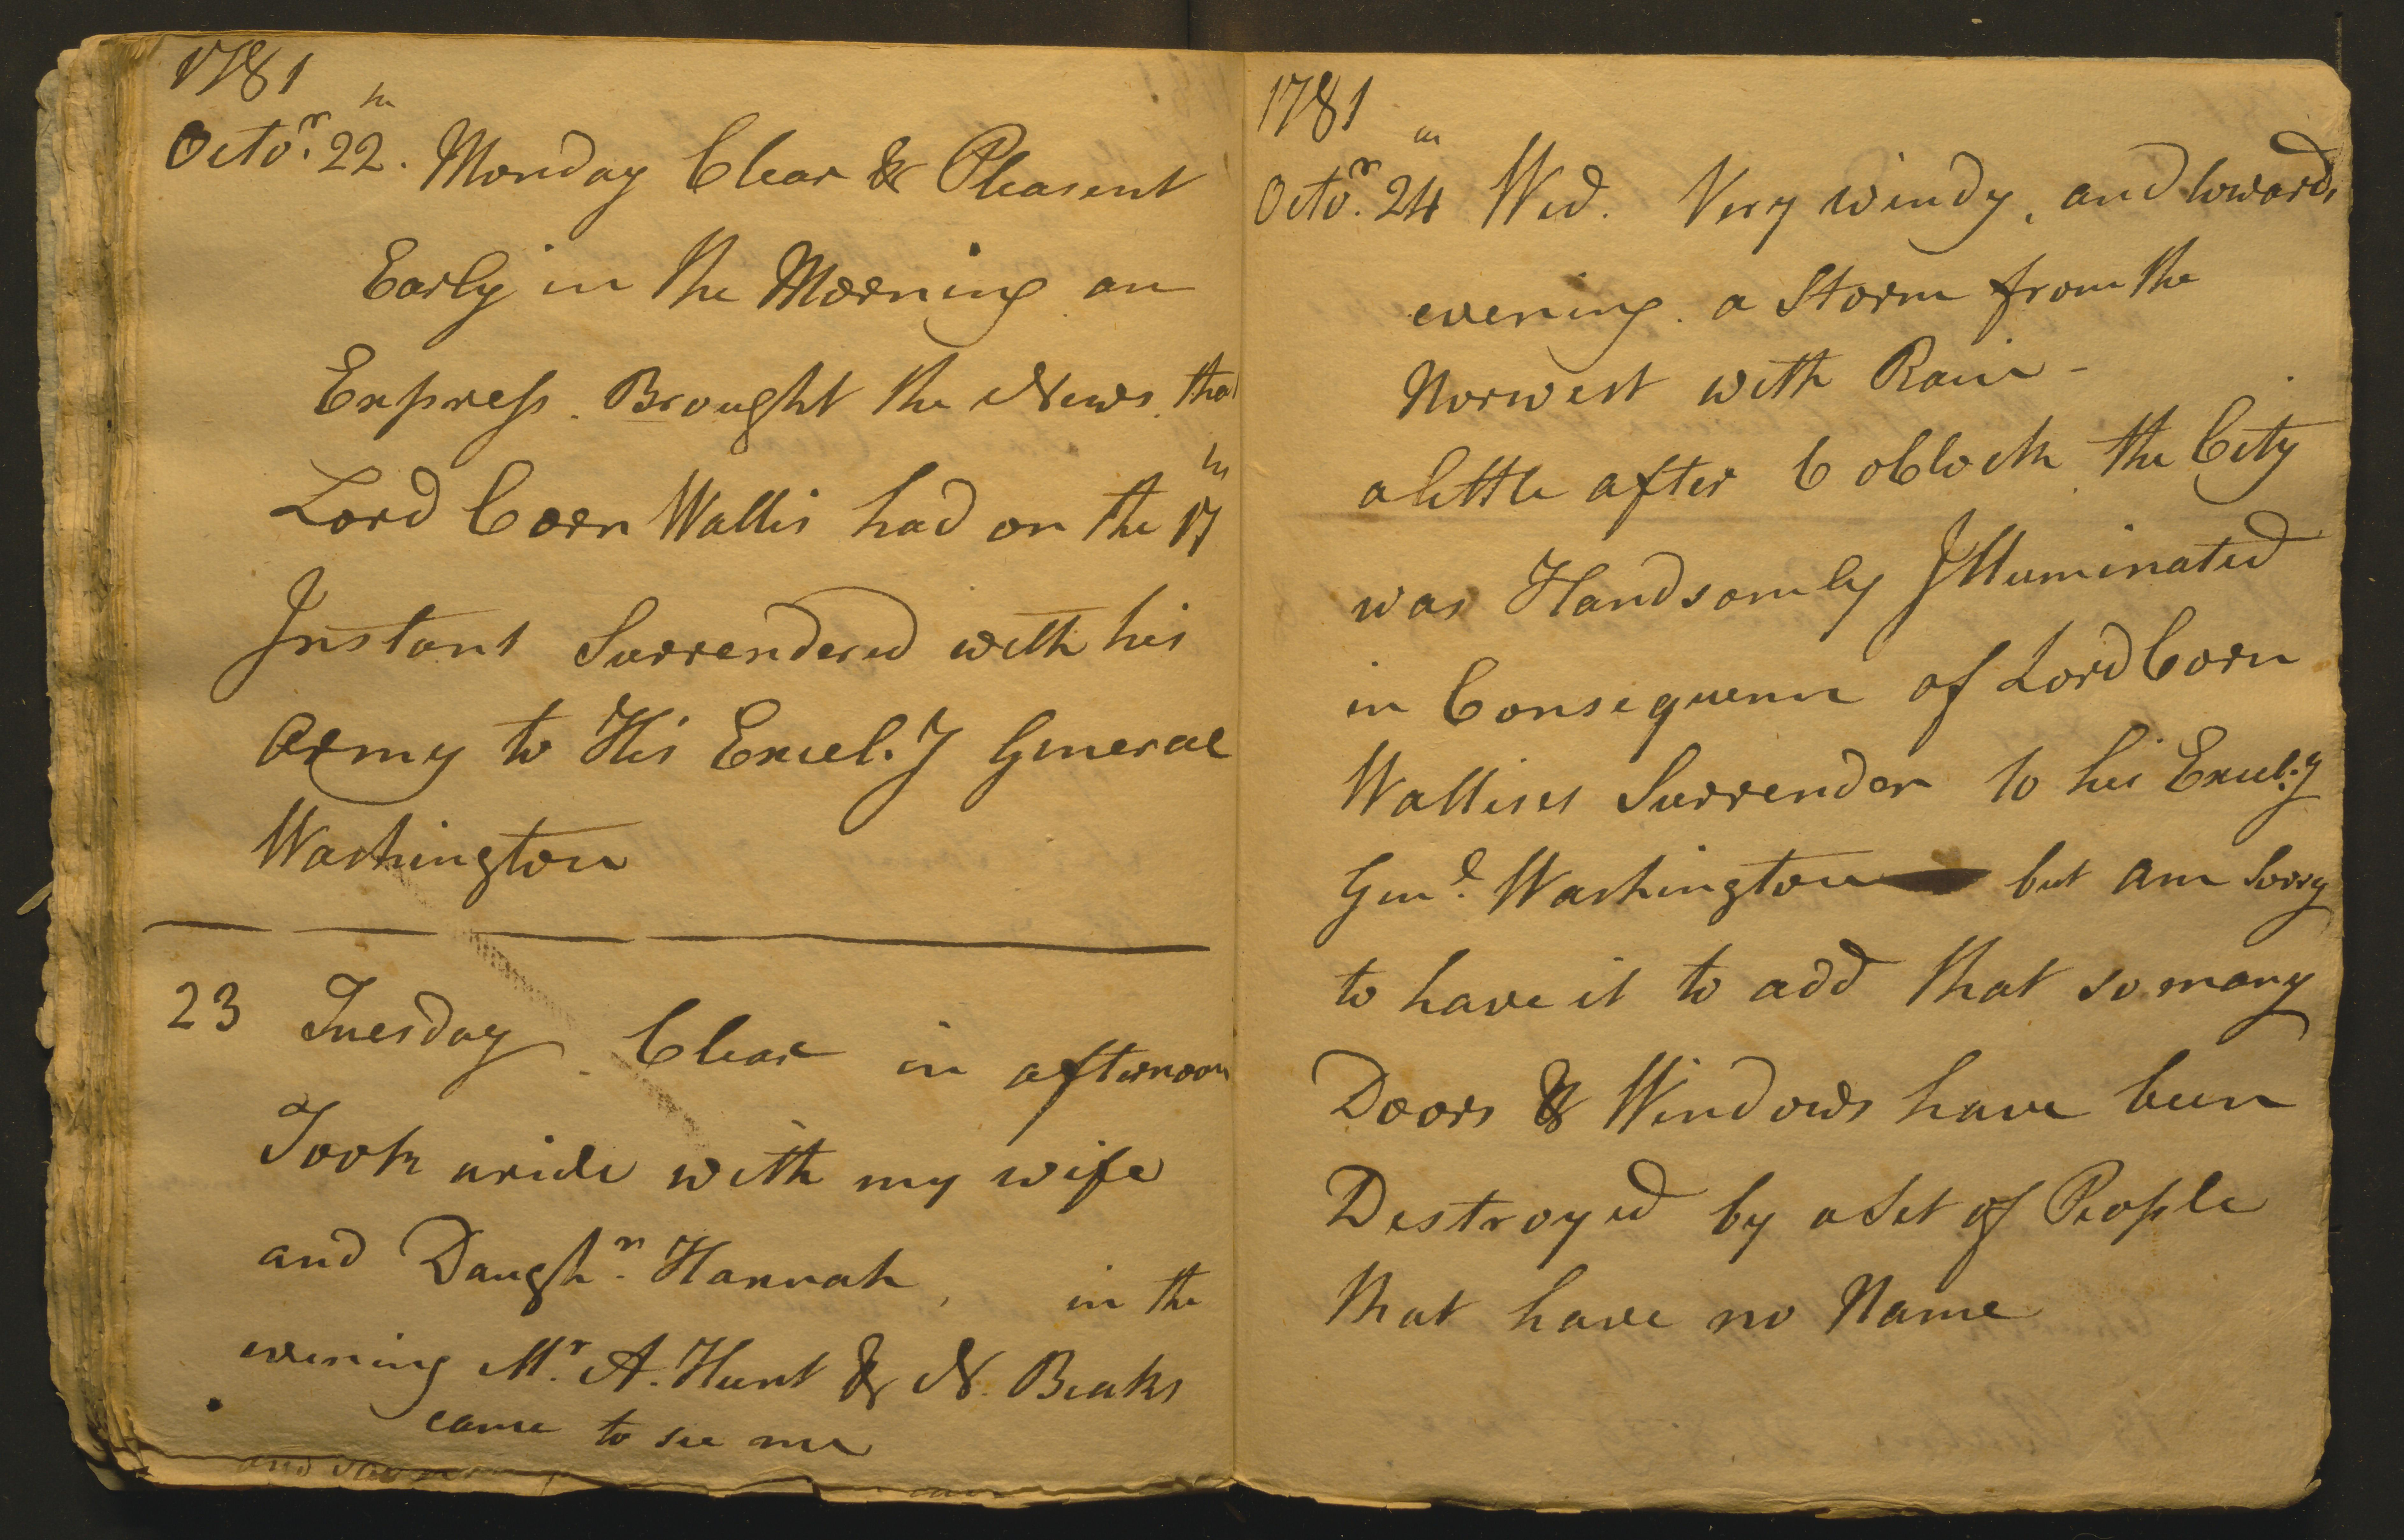1781
Octo^r. 22^th. Monday Clear & Pleasent
Early in the Morning an
Express, Brought the News that
Lord Corn Wallis had on the 17^th
Instant surrendered with his
Army to His Excel^y. General
Washington
23 Tuesday Clear in afternoon
Took a ride with my wife
and Daugh^r. Hannah, in the
evening M^r. A. Hunt & N. Beaks
came to see me
1781
Oeto^r. 24 Wed. Very windy, and towards
evening, a Storm from the
Norwest with Rain
a little after 6 oClock the City
was Handsomly Illuminated
in Consequence of Lord Corn
Wallises surrender to his Excel^y:
Gen^l. Washington but am Sorry
to have it to add that so many
Doors & Windows have been
Destroyed by a set of People
that have no Name